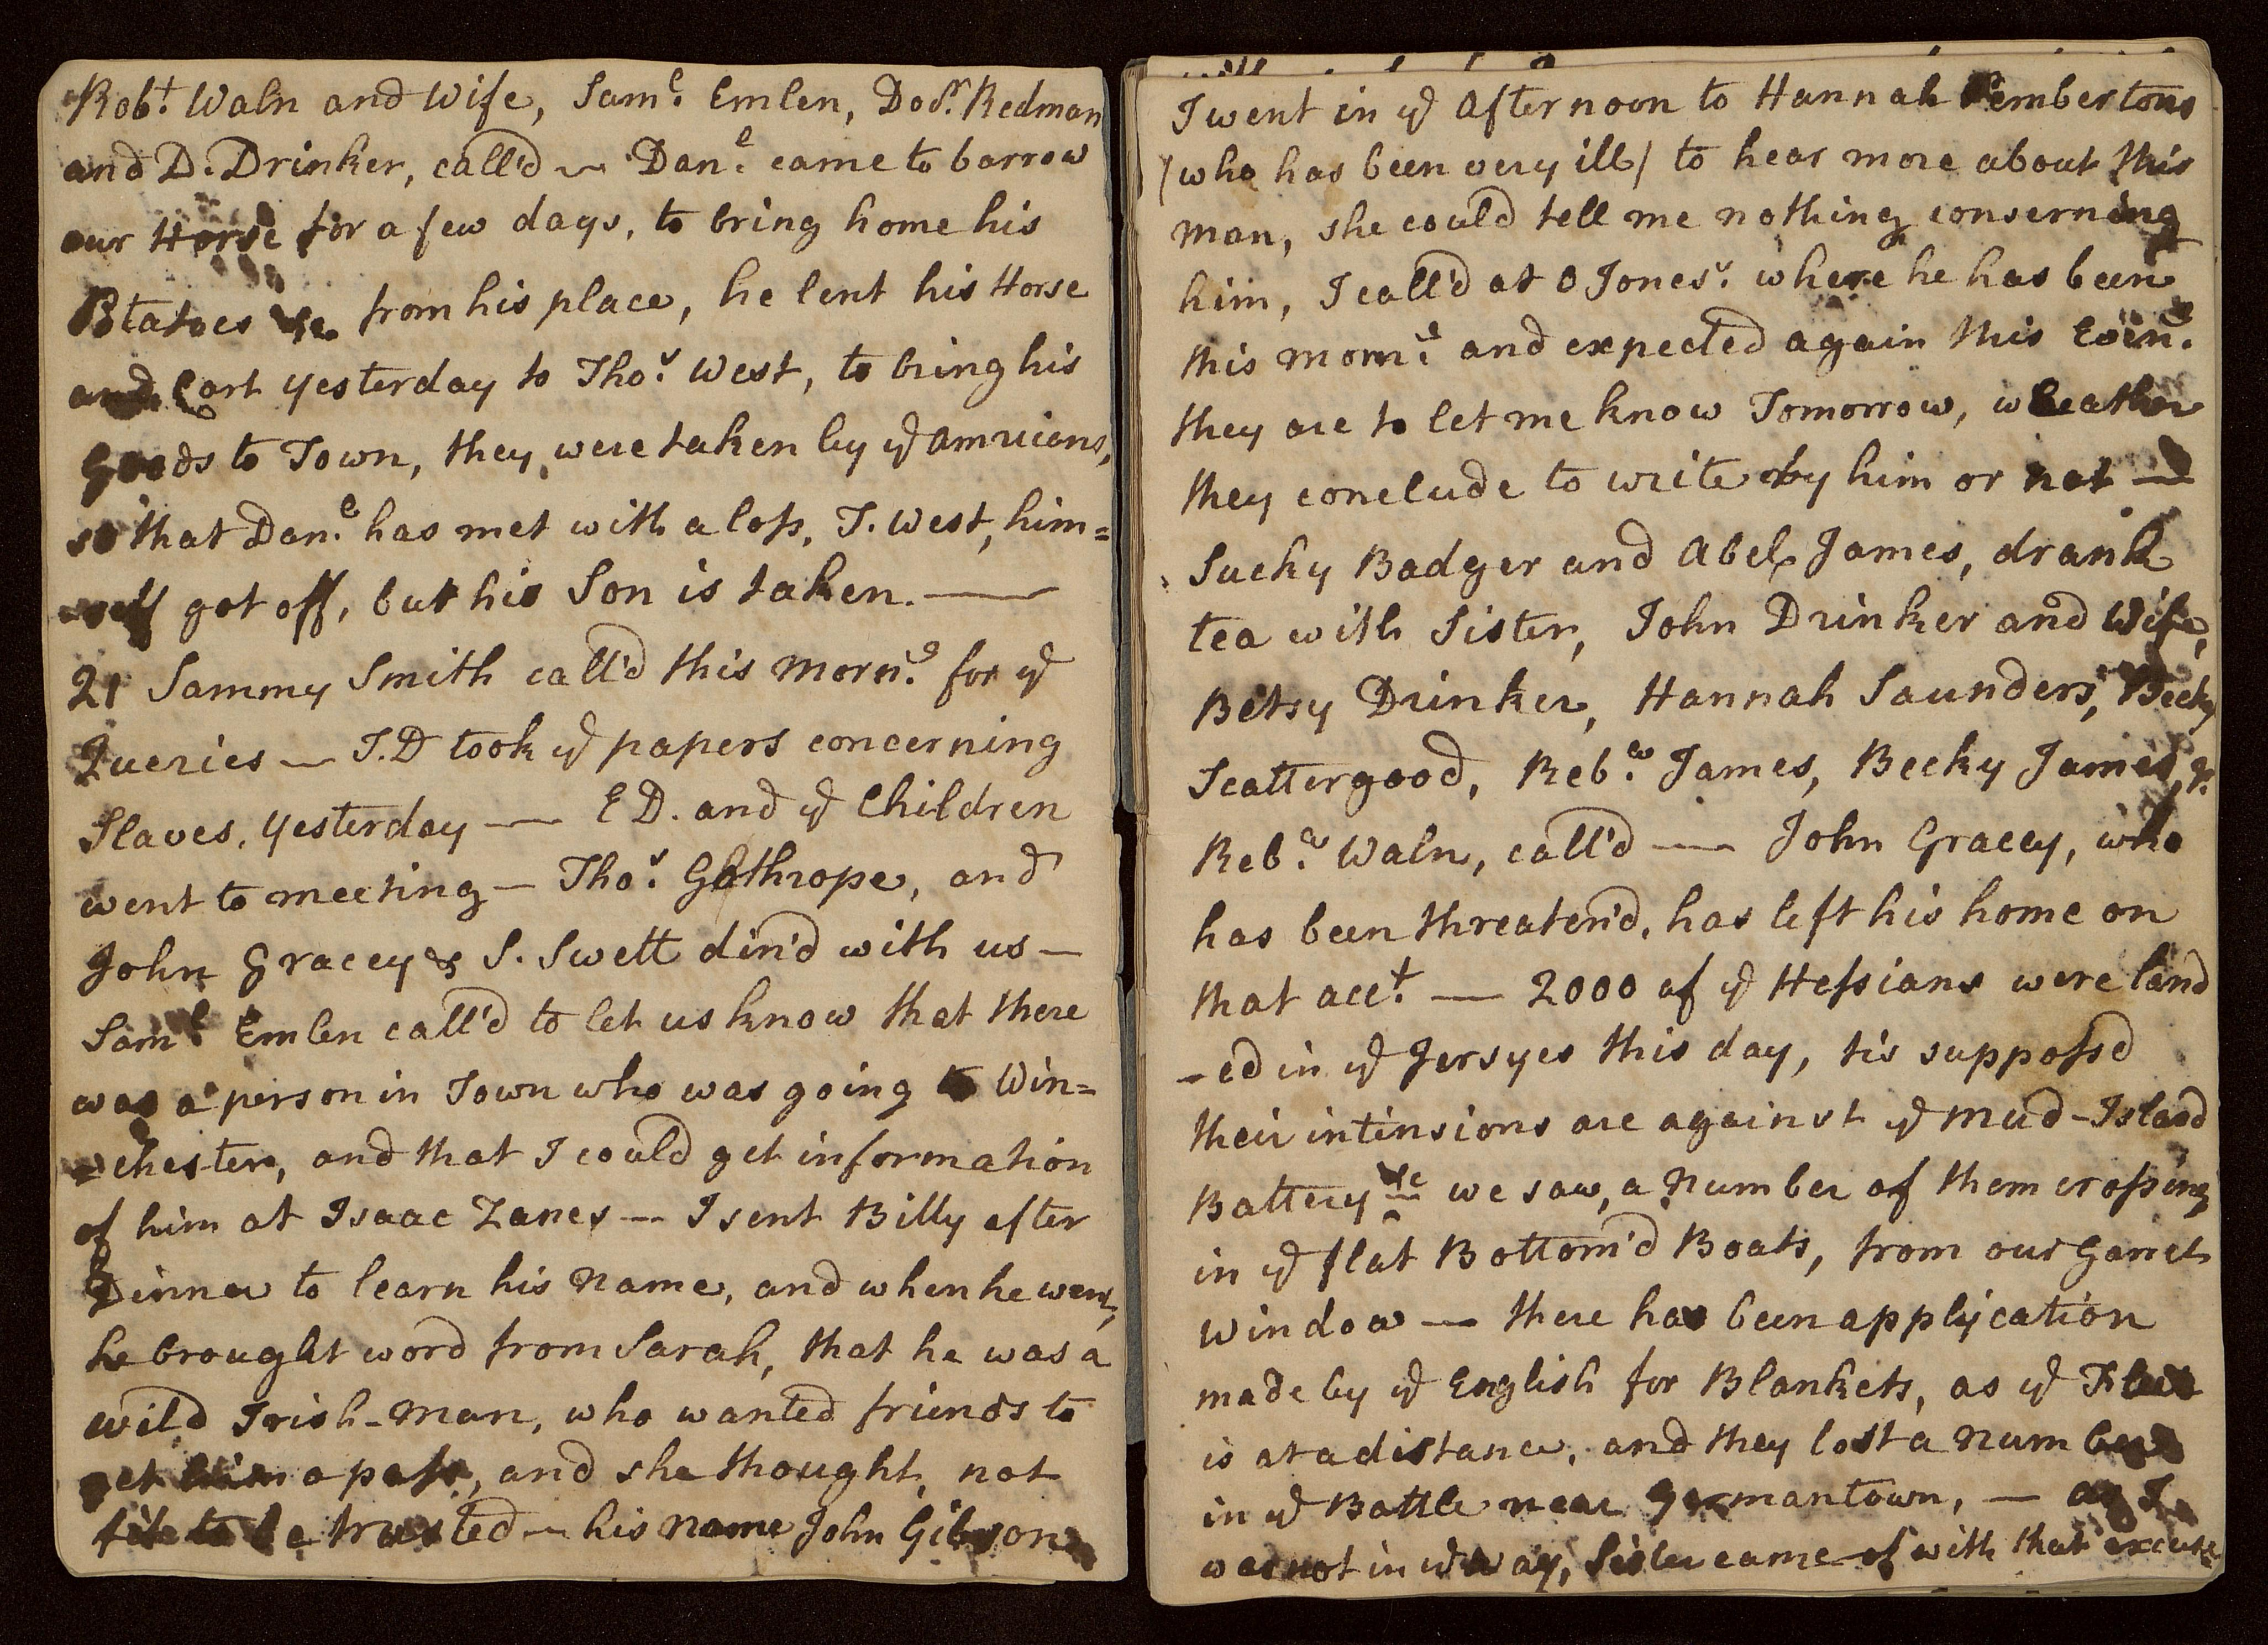Rob^t. Waln and Wife, Sam^l. Emlen, Doc^r Redman
and D. Drinker, call'd- Dan^l. came to barrow
our Horse for a few days, to bring home his
Potatoes &c from his place, he lent his Horse
and Cart yesterday to Tho^s. West, to bring his
Goods to Town, they were taken by y^e Amricans,
so that Dan^l. has met with a loss, J. West, him-
self got off, but his Son is taken.-
21 Sammy Smith call'd this morn^g. for y^e
Queries- J.D took y^e papers concerning
Slaves Yesterday- E D. and y^e Children
went to meeting- Tho^s. Gothrope, and
John Gracey & S. Swett din'd with us-
Sam^l. Emlen call'd to let us know that there
was a person in Town who was going to Win-
-chester, and that I could get information
of him at Isaac Zanes- I sent Billy after
Dinner to learn his name, and when he went
he brought word from Sarah, that he was a
wild Irish-man, who wanted friends to
get him a pass, and she thought not
fit to be trusted- his name John Gilson
I went in y^e afternoon to Hannah Pembertons
/who has been very ill/ to hear more about this
man, she could tell me nothing conserning
him, I call'd at O Jones^s. where he has been
this morn^g. and expected again this Even^g.
they are to let me know Tomorrow, wheather
they conclude to write by him or not-
Sucky Badger and Abel James, drank
tea withs Sister, John Drinker and Wife
Betsy Drinker, Hannah Saunders, Becky
Scattergood, Reb^a. James, Becky James
Reb^a. Waln, call'd- John Gracey, who
has been threaten'd, has left his home on
that acc^t.- 2000 of y^e Hessians were land
-ed in y^e Jersyes this day, tis suppossd
their intensions are against y^e mud-Island
Battery ^&c- we saw, a Number of them crossing
in y^e flat Bottom'd Boats, from our Garret
Window - there has been application
made by y^e English for Blankets, as y^e Flux
is at a distance, and they lost a number
in y^e Battle near Germantown,- as I
was not in y^e way, Sister came of with that excuse